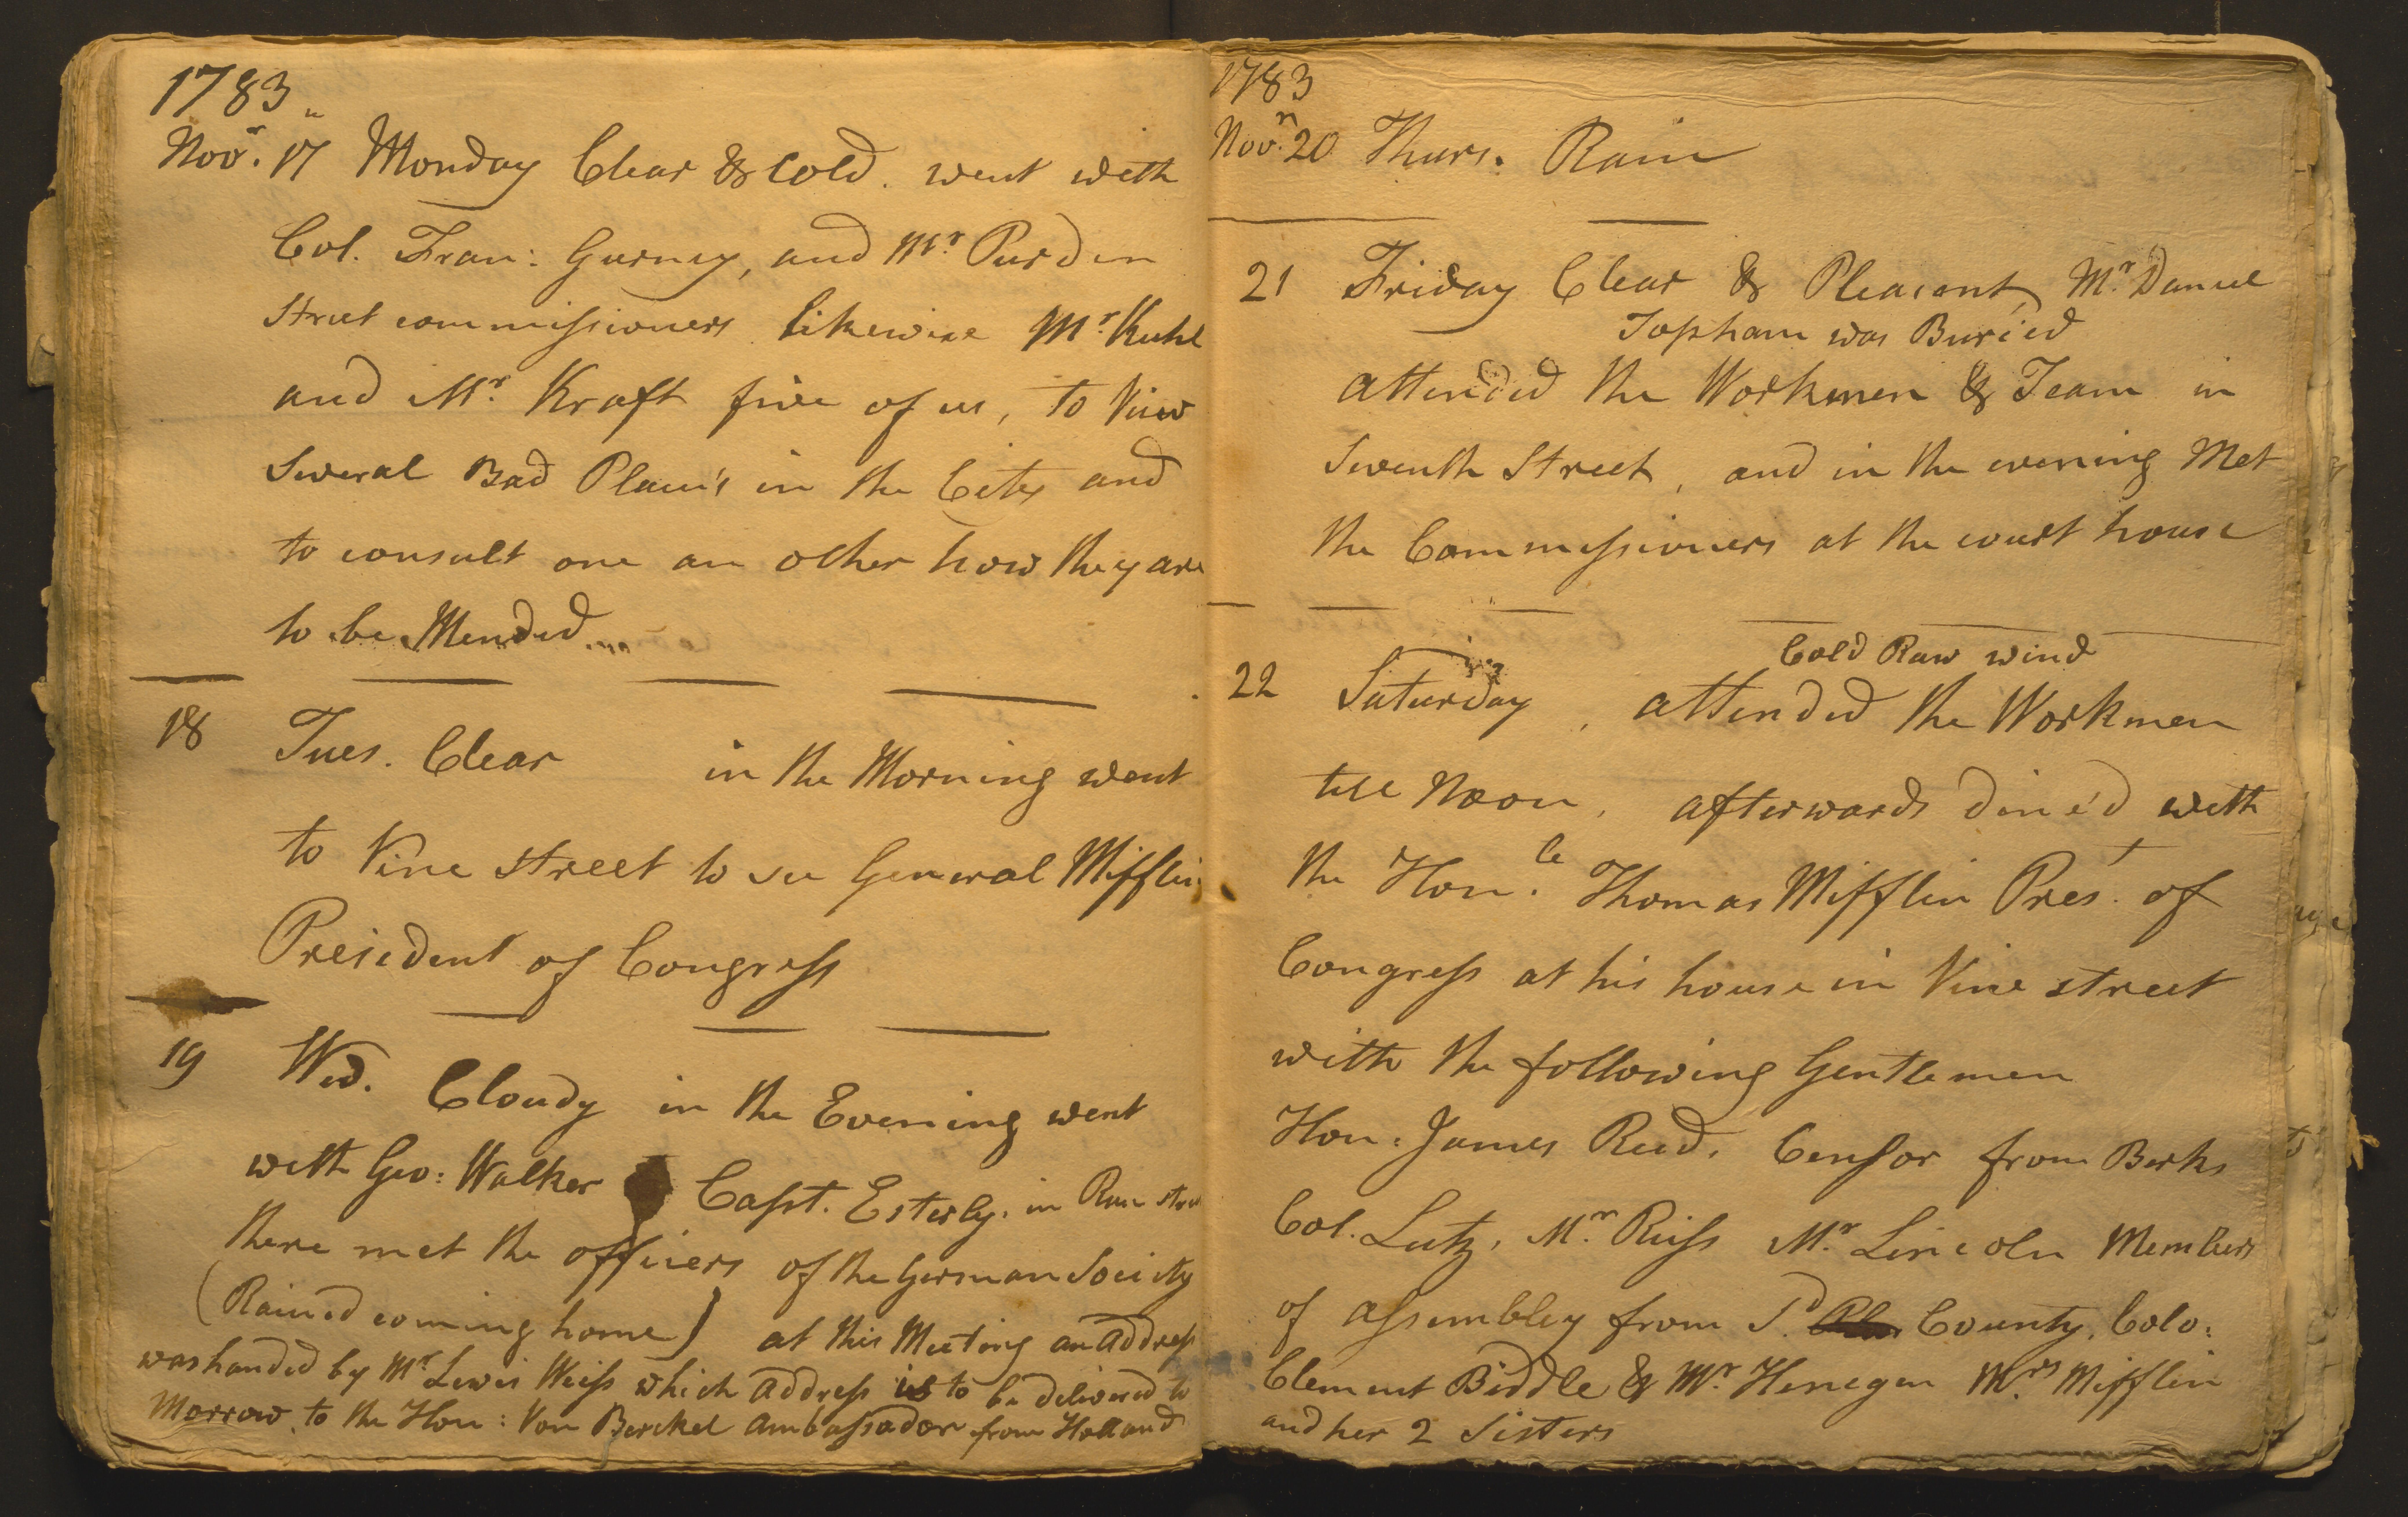1783
Nov^r. 17 Monday Clear & Cold, went with
Col. Fran: Gurney and M^r. Purdue
Street commissioners likewice M^r. Kuhl
and M^r. Kraft five of us, to View
Several Bad Place's in the City and
to consult one an other how they are
to be Mended.
18 Tues. Clear in the Morning went
to Vine street to see General Mifflin
President of Congress
19 Wed. Cloudy in the Evening went
with Geo. Walker [_] Capt. Esterly. in Race street
there met the officers of the German Society
(Rained coming home) at this Meeting an Address
was handed by M^r Lewis Weiss which address is to be delivered to
Morrow to the Hon: Von Berckel Ambassador from Holland
1783
Nov^r. 20 Thurs. Rain
21 Friday Clear & Pleasant M^r. Daniel
Topham was Buried
attended the Workmen & Team in
Seventh Street and in the evening Met
the Commissioners at the court house
Cold Raw wind
22 Saturday attended the Workmen
till noon, afterwards dined with
the Hon^le. Thomas Mifflin Pres^t. of
Congress at his house in Vine street
with the following Gentle men
Hon. James Reed. Censor from Berks
Col. Lutz, M^r. Reiss M^r. Lincoln Member
of assembley from s^d. [Place] County, Colo:
Clement Biddle & M^r. Henegan M^rs. Mifflin
and her 2 Sisters